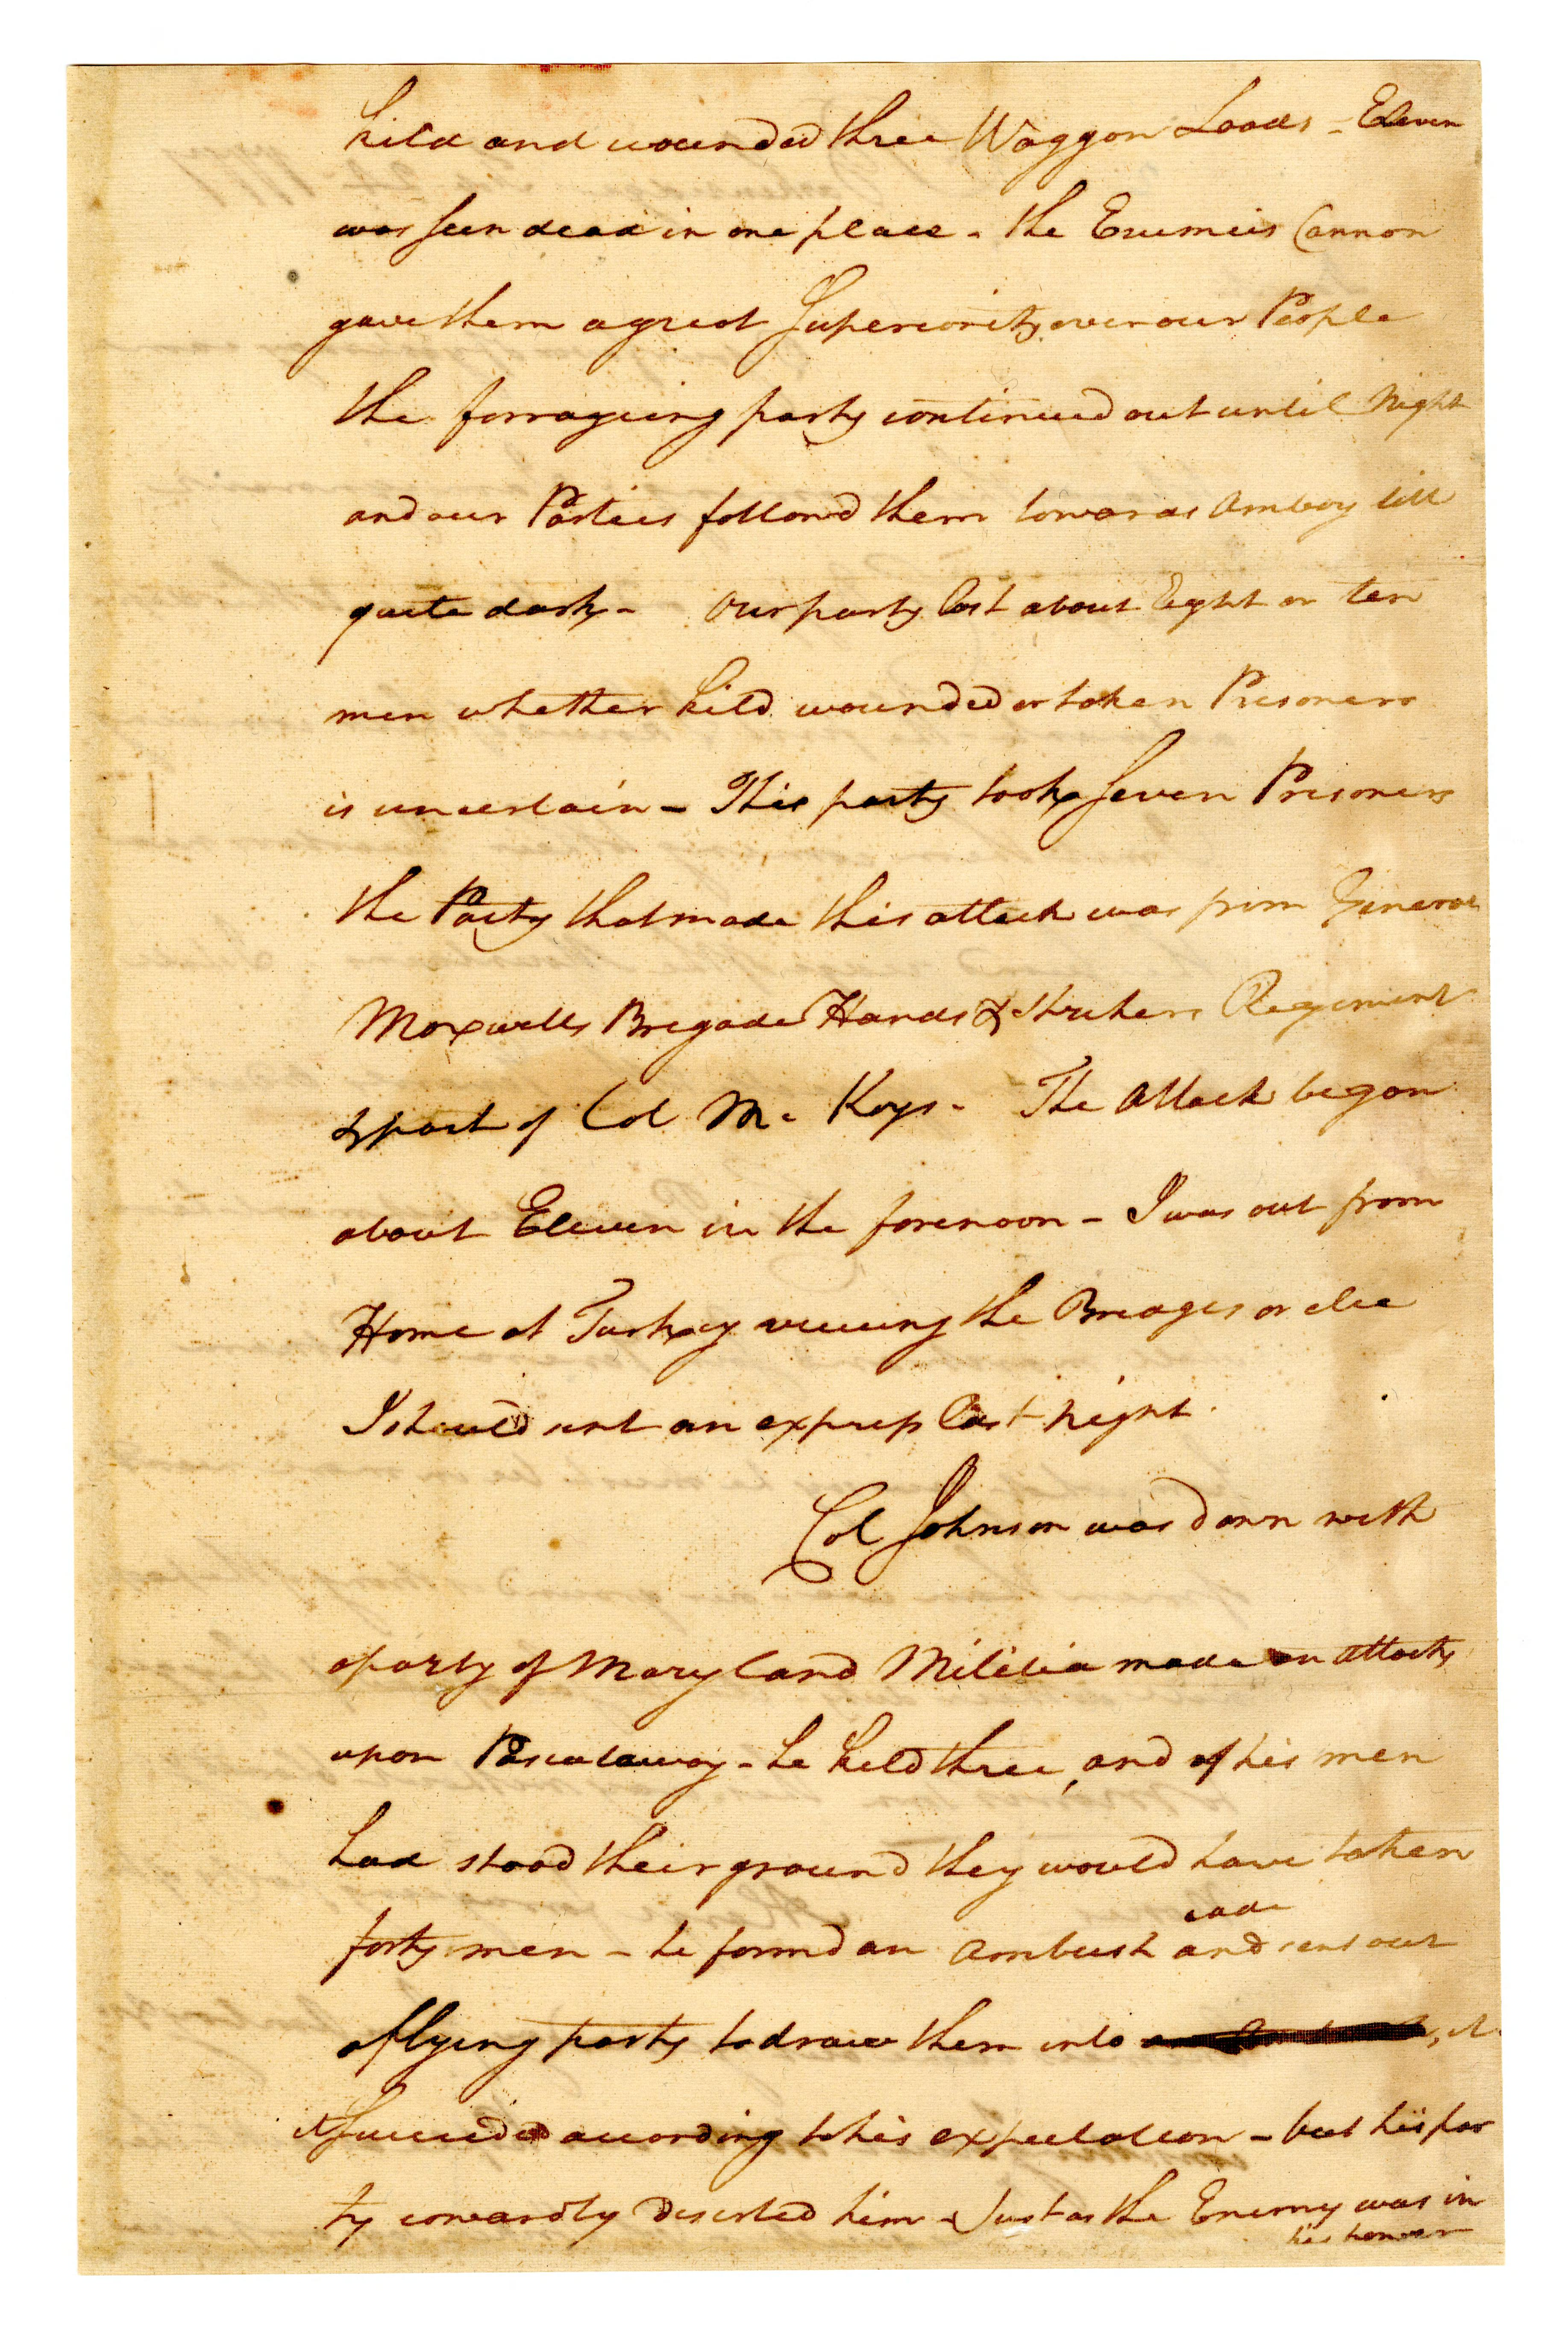kild and wounded three Waggon Loads. Eleven
was seen dead in one place. the Enemies Cannon
gave them a great Superiority over our People
the forraging party continued out until night
and our Parties followd them towards Amboy till
quite dark. Our party lost about Eight or ten
men whether kild wounded or taken Prisoner
is uncertain- This party took Seven Prisoners
the Party that made their attack was from General
Maxwells Brigade Hands & Strikers Regiment
& part of Col M. Keys. The attack began
about Eleven in the forenoon- I was out from
Home at Turkey receiving the Brages or else
I should sent an express last night.
Col Johnson was down with
a party of Maryland Militia made an attack
upon Piscataway. he kild three, and if his men
had stood their ground they would have taken
each
forty men- he formd an ambush and sent out
a flying party to draw them into [________] it
it Succeeded according to his expectation- but his par
ty cowardly deserted him. Just as the Enemy was in
his power